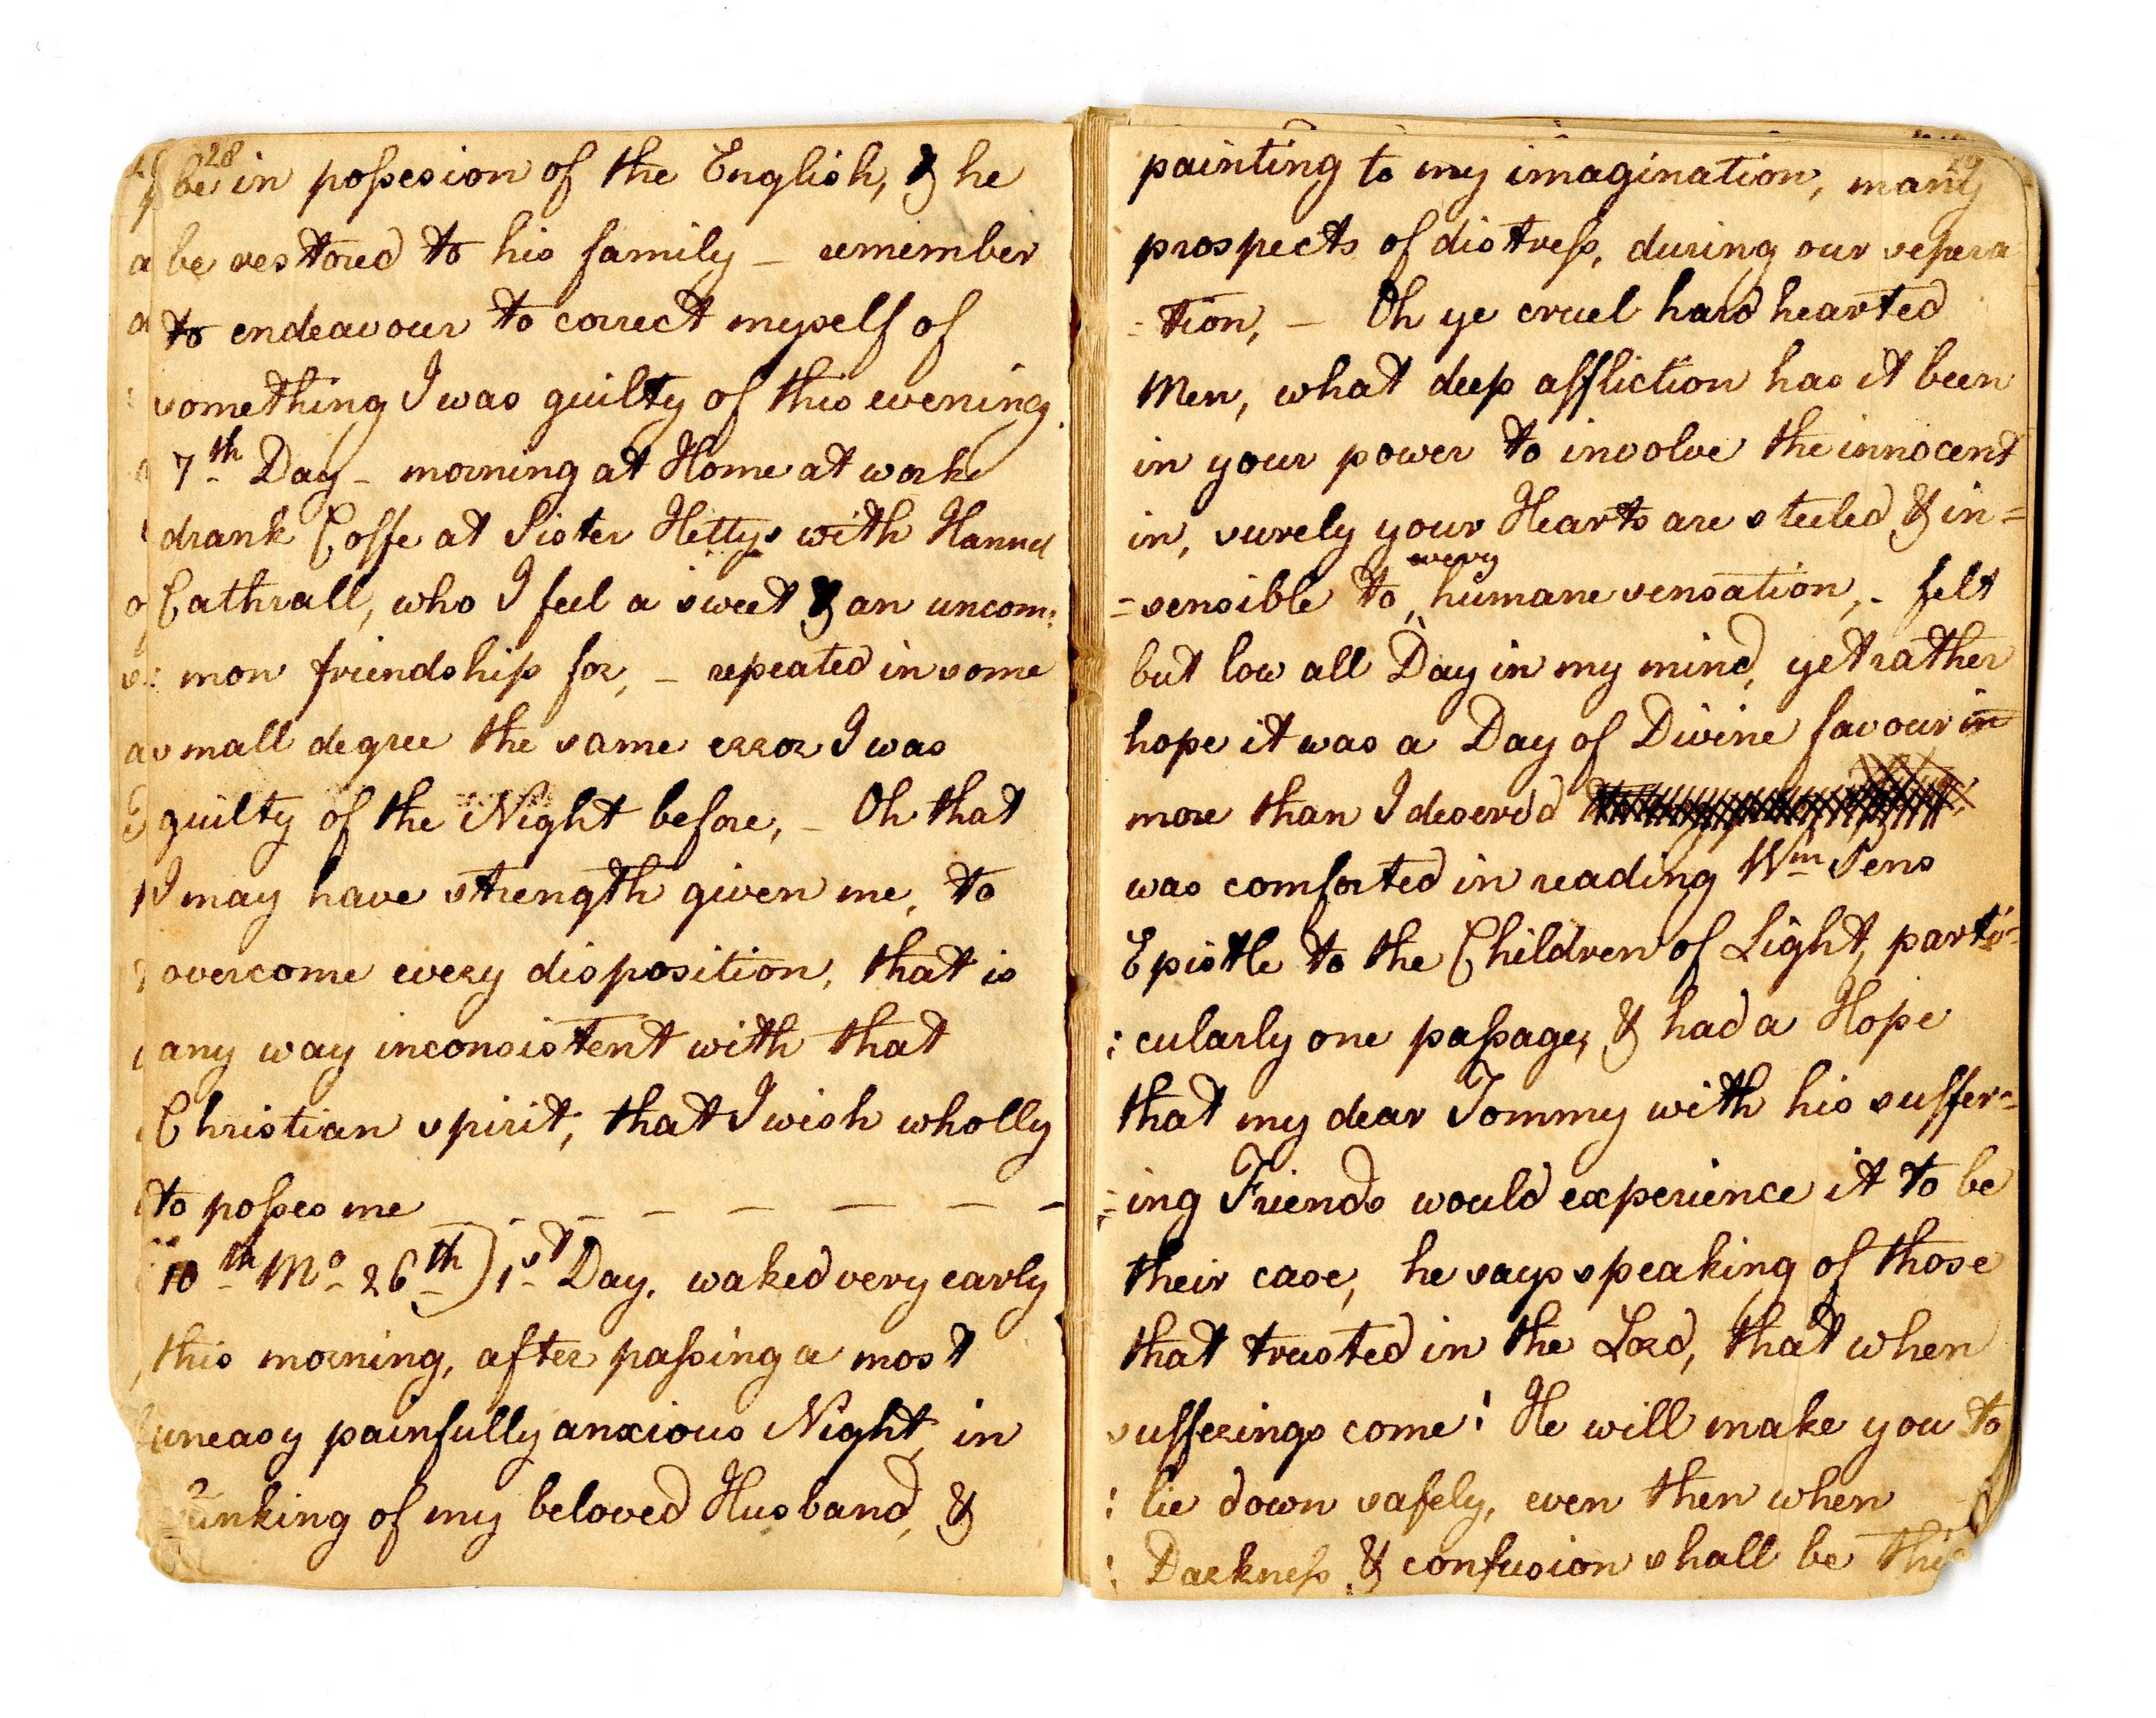28
be in possesion of the English, & he
be restored to his family- remember
to endeavour to correct myself of
something I was guilty of this evening
7^th Day- morning at Home at worke
drank Coffe at Sister Hettys with Hanna
Cathrall, who I feel a sweet & an uncom
-mon friendship for- repeated in some
small degree the same error I was
guilty of the Night before- Oh that
I may have strength given me, to
overcome every disposition, that is
any way inconsistent with that
Christian spirit, that I wish wholly
to posses me
10^th M^o 26^th) 1^st Day, waked very early
this morning, after passing a most
uneasy painfully anxious Night, in
hinking of my beloved Husband, &
29
painting to my imagination, many
prospects of distress, during our sepera
-tion,- Oh ye cruel hard hearted
Men, what deep affliction has it been
in your power to involve the innocent
in, surely your Hearts are steeled & in-
every
-sensible to humane sensation, felt
but low all Day in my mind yet rather
hope it was a Day of Divine favour in
more than I deservd [Hetty ____ _____]
was comforted in reading W^m Pens
Epistle to the Children of Light, parti-
-cularly one passage & had a Hope
that my dear Tommy with his suffer-
-ing Friends would experience it to be
their case, he says speaking of those
that trusted in the Lord, that when
sufferings come: He will make you to
"lie down safely, even then when
"Darkness & confusion shall be the